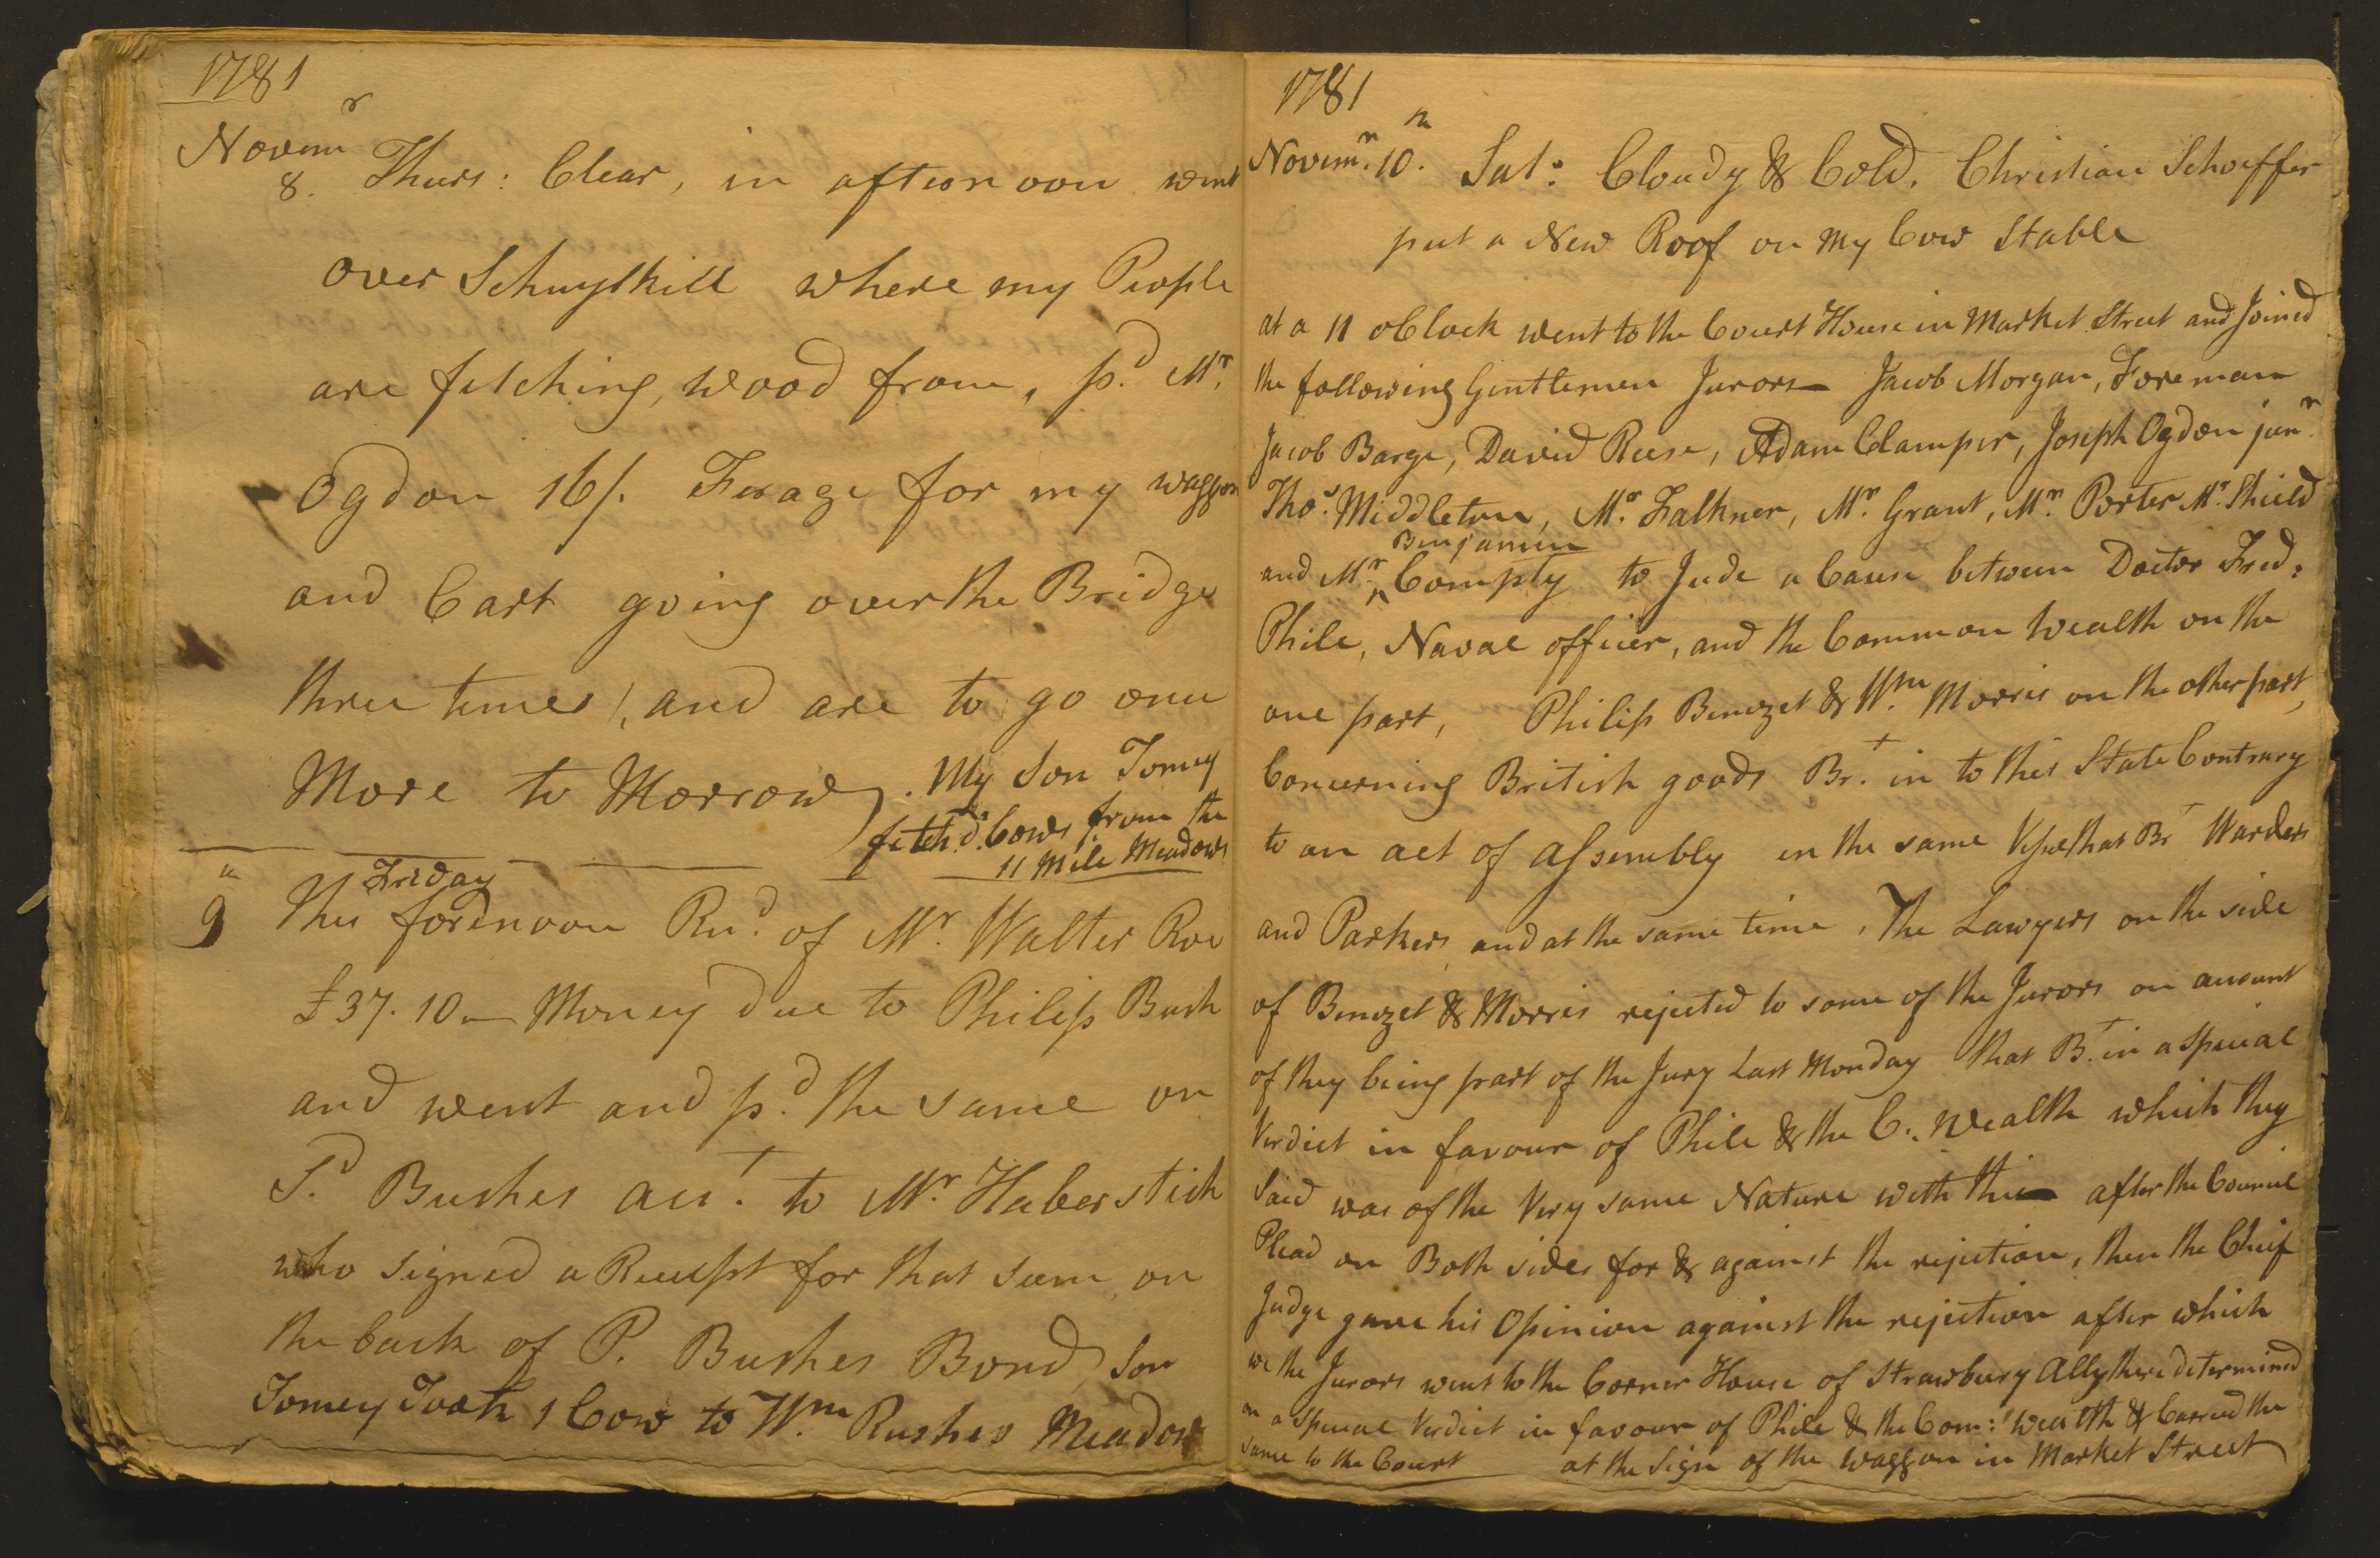1781
Novem^r
8. Thurs: Clear, in afteonoon went
over Schuylkill where my People
are fetching wood from, p^d. M^r.
Ogdon 16s. Ferage for my waggon
Cart going over the Bridge
three times / and are to go once
More to Morrow. My Son Tomey
fetch^d. Cows from the
11 Mile Meadow
Friday
9^th This forenoon Rec^d. of M^r. Walter Row
£37.10- Money due to Philip Bush
ane went and p^d. the same on
J. Bushes acc^t. to M^r. Haberstick
who signed a Receept for that sum on
the back of P. Bushes Bond son
Tomey Took 1 Cow to W^m. Rushes Meadow
1781
Novem^r. 10^th. Sat: Cloudy & Cold. Christian Schoeffer
put a New Roof on my Cow Stable
at a 11 oClock went to the Court House in Market Street and Joined
the following Gentlemen Jurors Jacob Morgan, Foreman
Jacob Barge, David Reese, Adam Clamper, Joseph Ogdon jun^r.
Tho^s. Middleton, M^r. Falkner, M^r. Grant, M^r. Porter M^r. Shield
Benjamen
and M^r. ^ Compty to Jude a Cause between Doctor Fred:
Phile, Naval officer, and the Common wealth on the
one part, Philip Benezet & W^m. Morris on the other part,
Concerning British goods Br^t. in to this State Contrary
to an act of assembly in the same Vessel that Br^t Warders
and Parkers and at the same time, The Lawyers on the side
of Benezet & Morris rejected to some of the Jurors on account
of they being part of the Jury Last Monday that B^t. in a special
Verdict in favour of Phile & the C. Wealth which they
said was of the Very same Nature with this after the Council
Plead on Both sides for & against the rejection, then the Chief
Judge gave his opinion against the rejection after which
we the Jurors went to the Corner House of Strawberry Ally there determined
in e special Verdict in favour of Phile & the Com: weal th & Carried the
same to the Court- at the sign of the waggon in Market Street